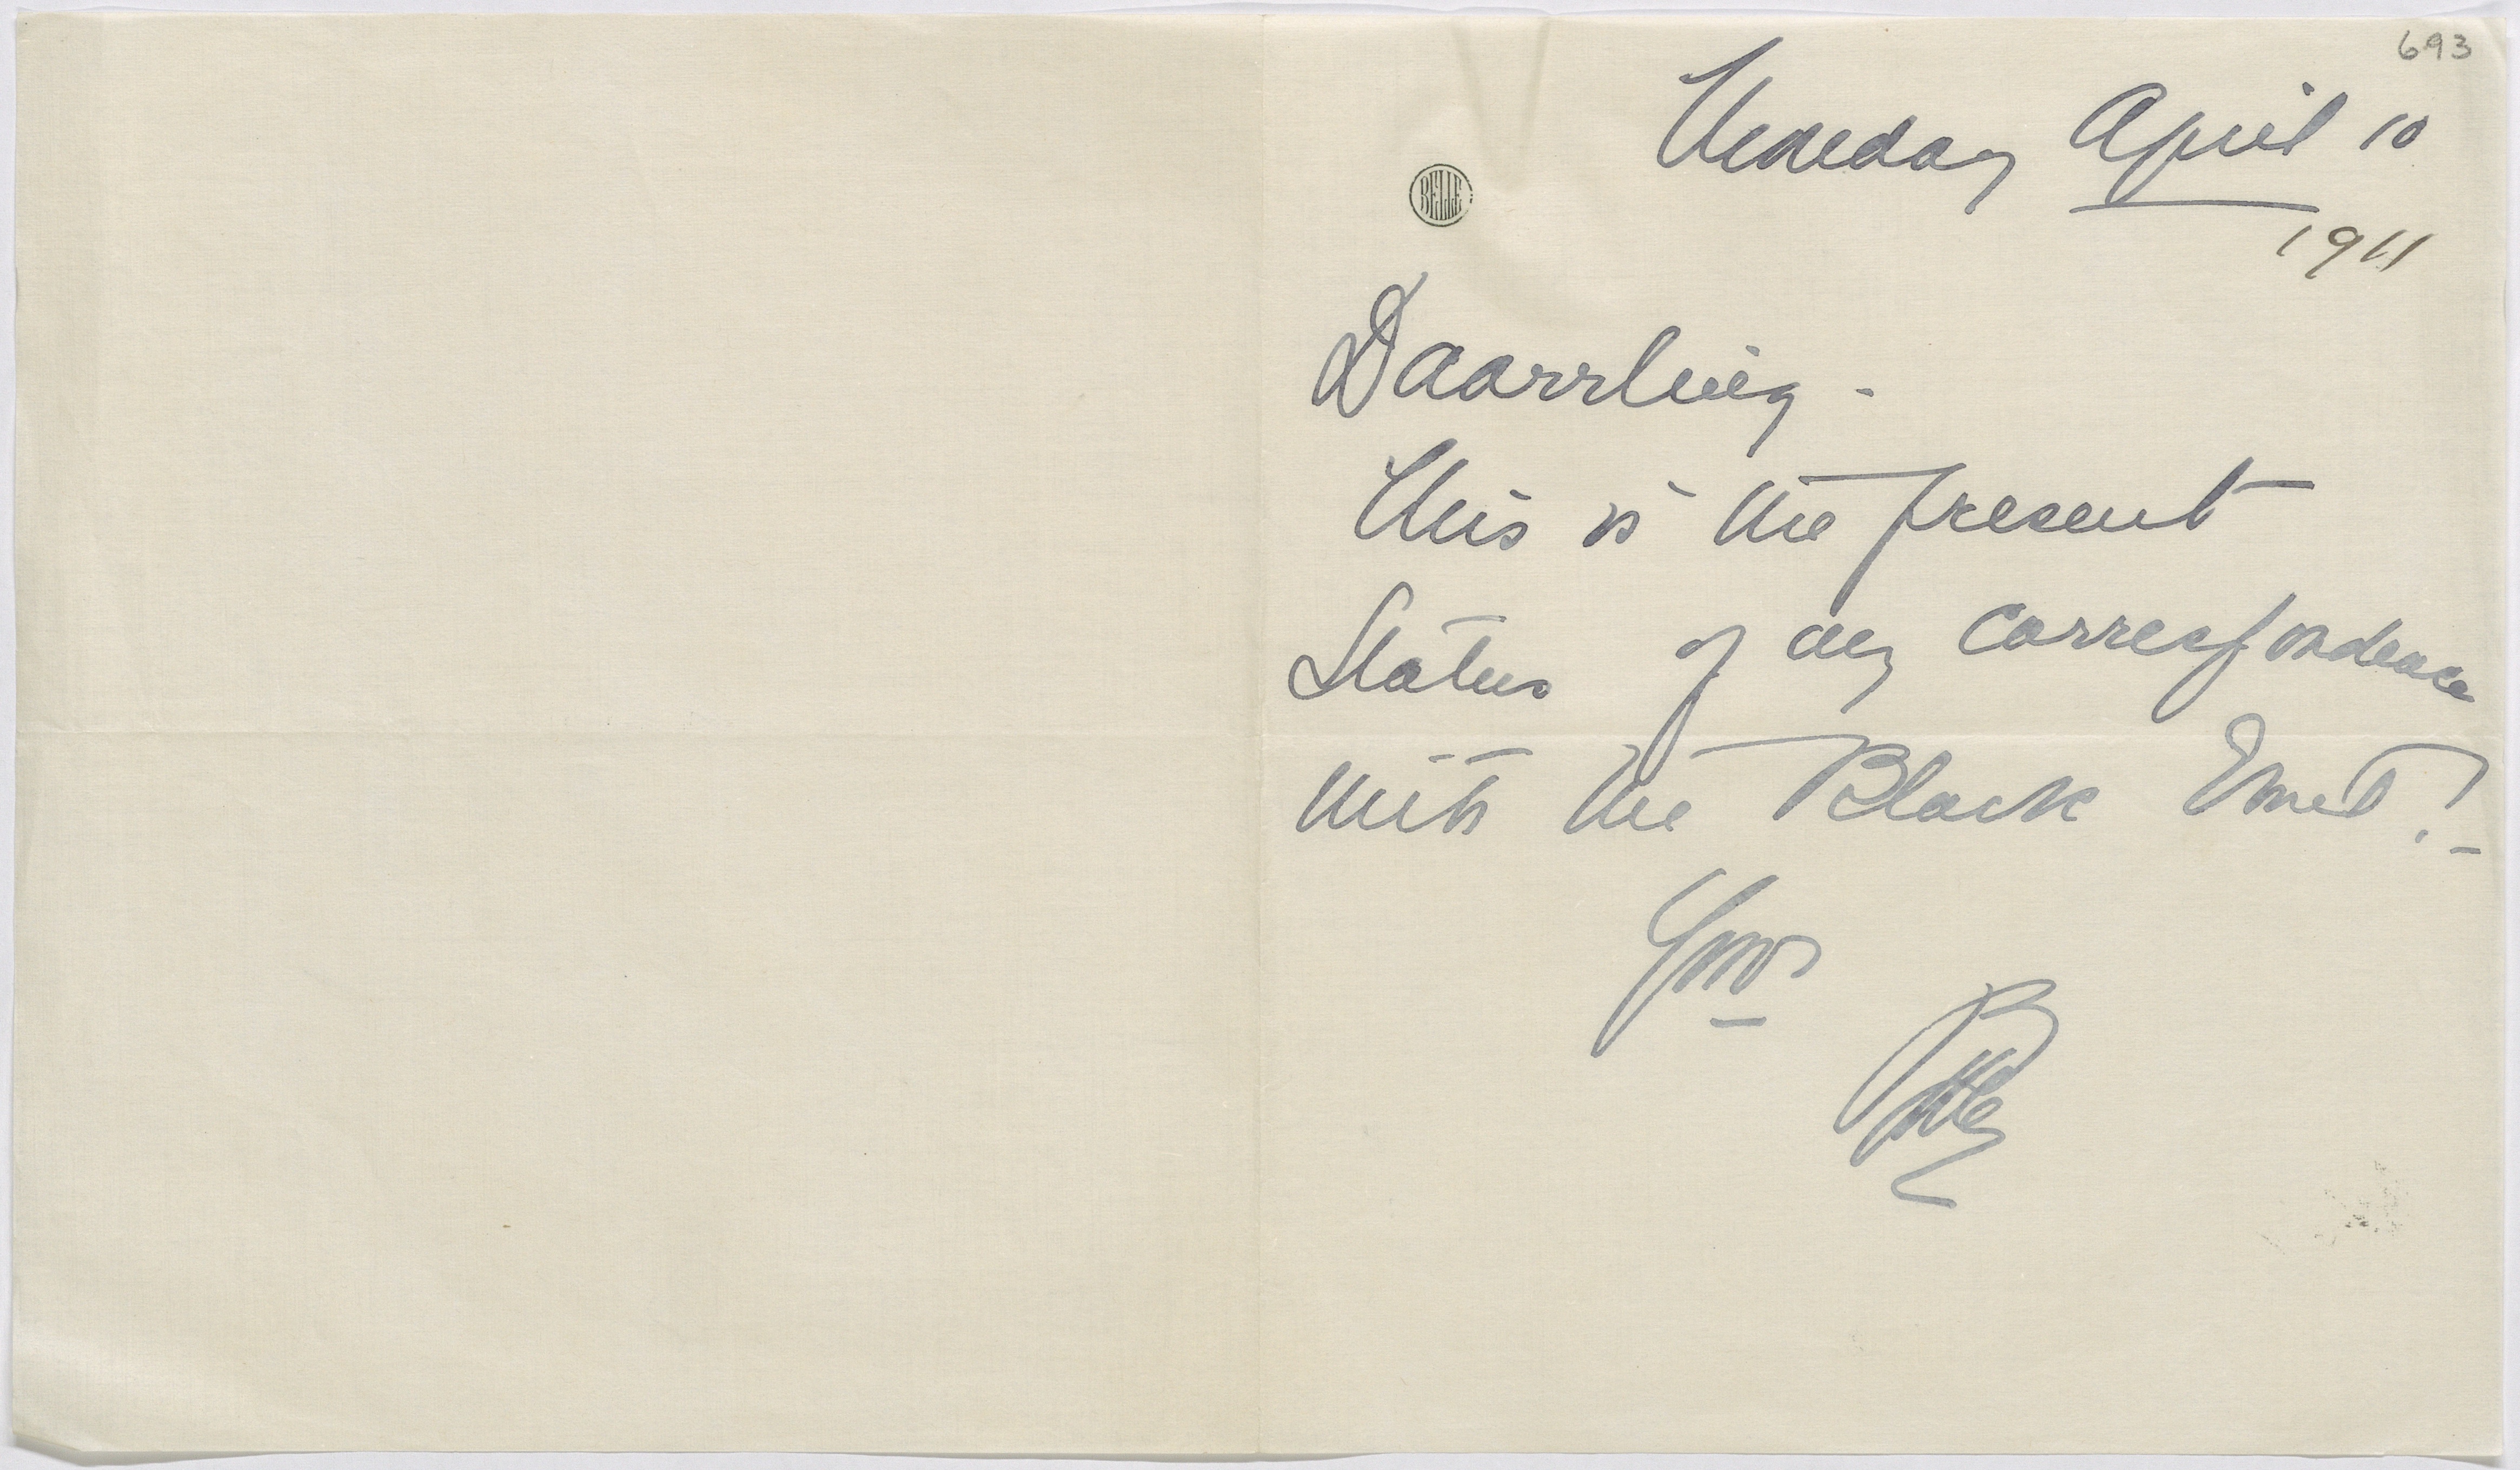Monday April 10
Daarrling –
This is the present Status of my correspondence with the Black Ethel! –
Your
Belle